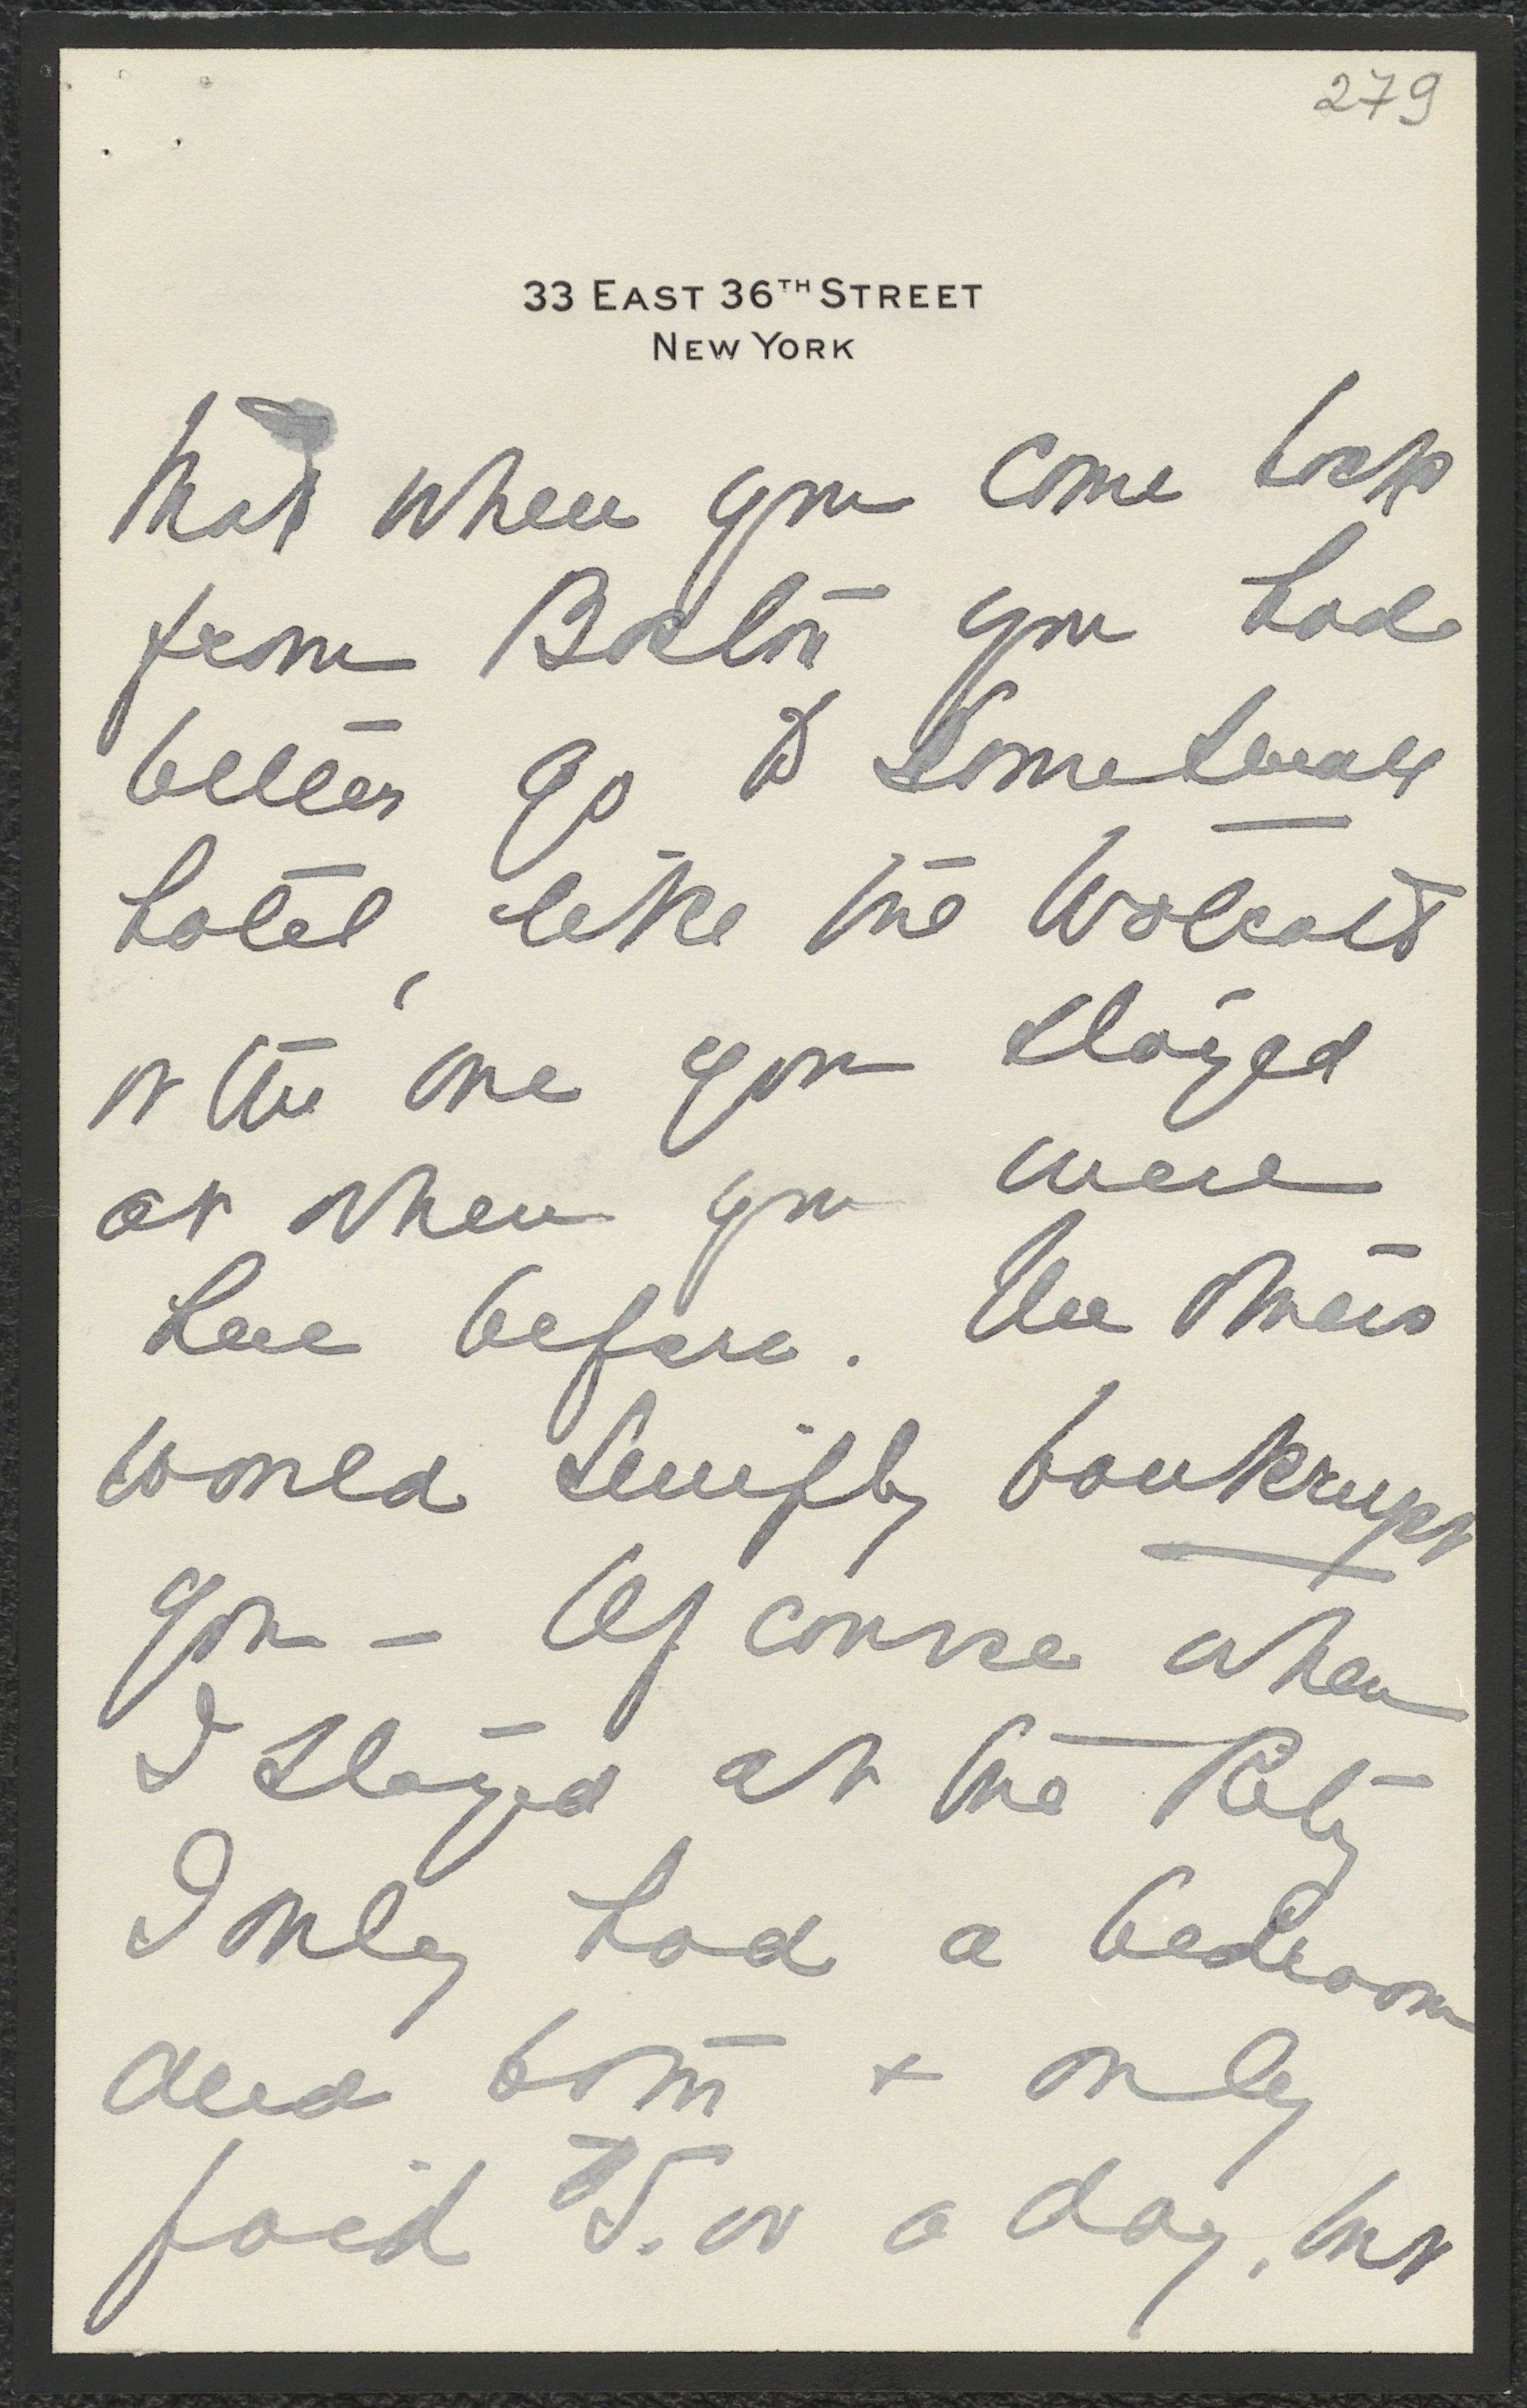that when you come back from Boston you had better go to some small hotel, like the Wolcott or the one you stayed at when you were here before. The others would simply bankrupt you – Of course when I stayed at the Ritz I only had a bedroom and bath & only paid $5.00 a day, but